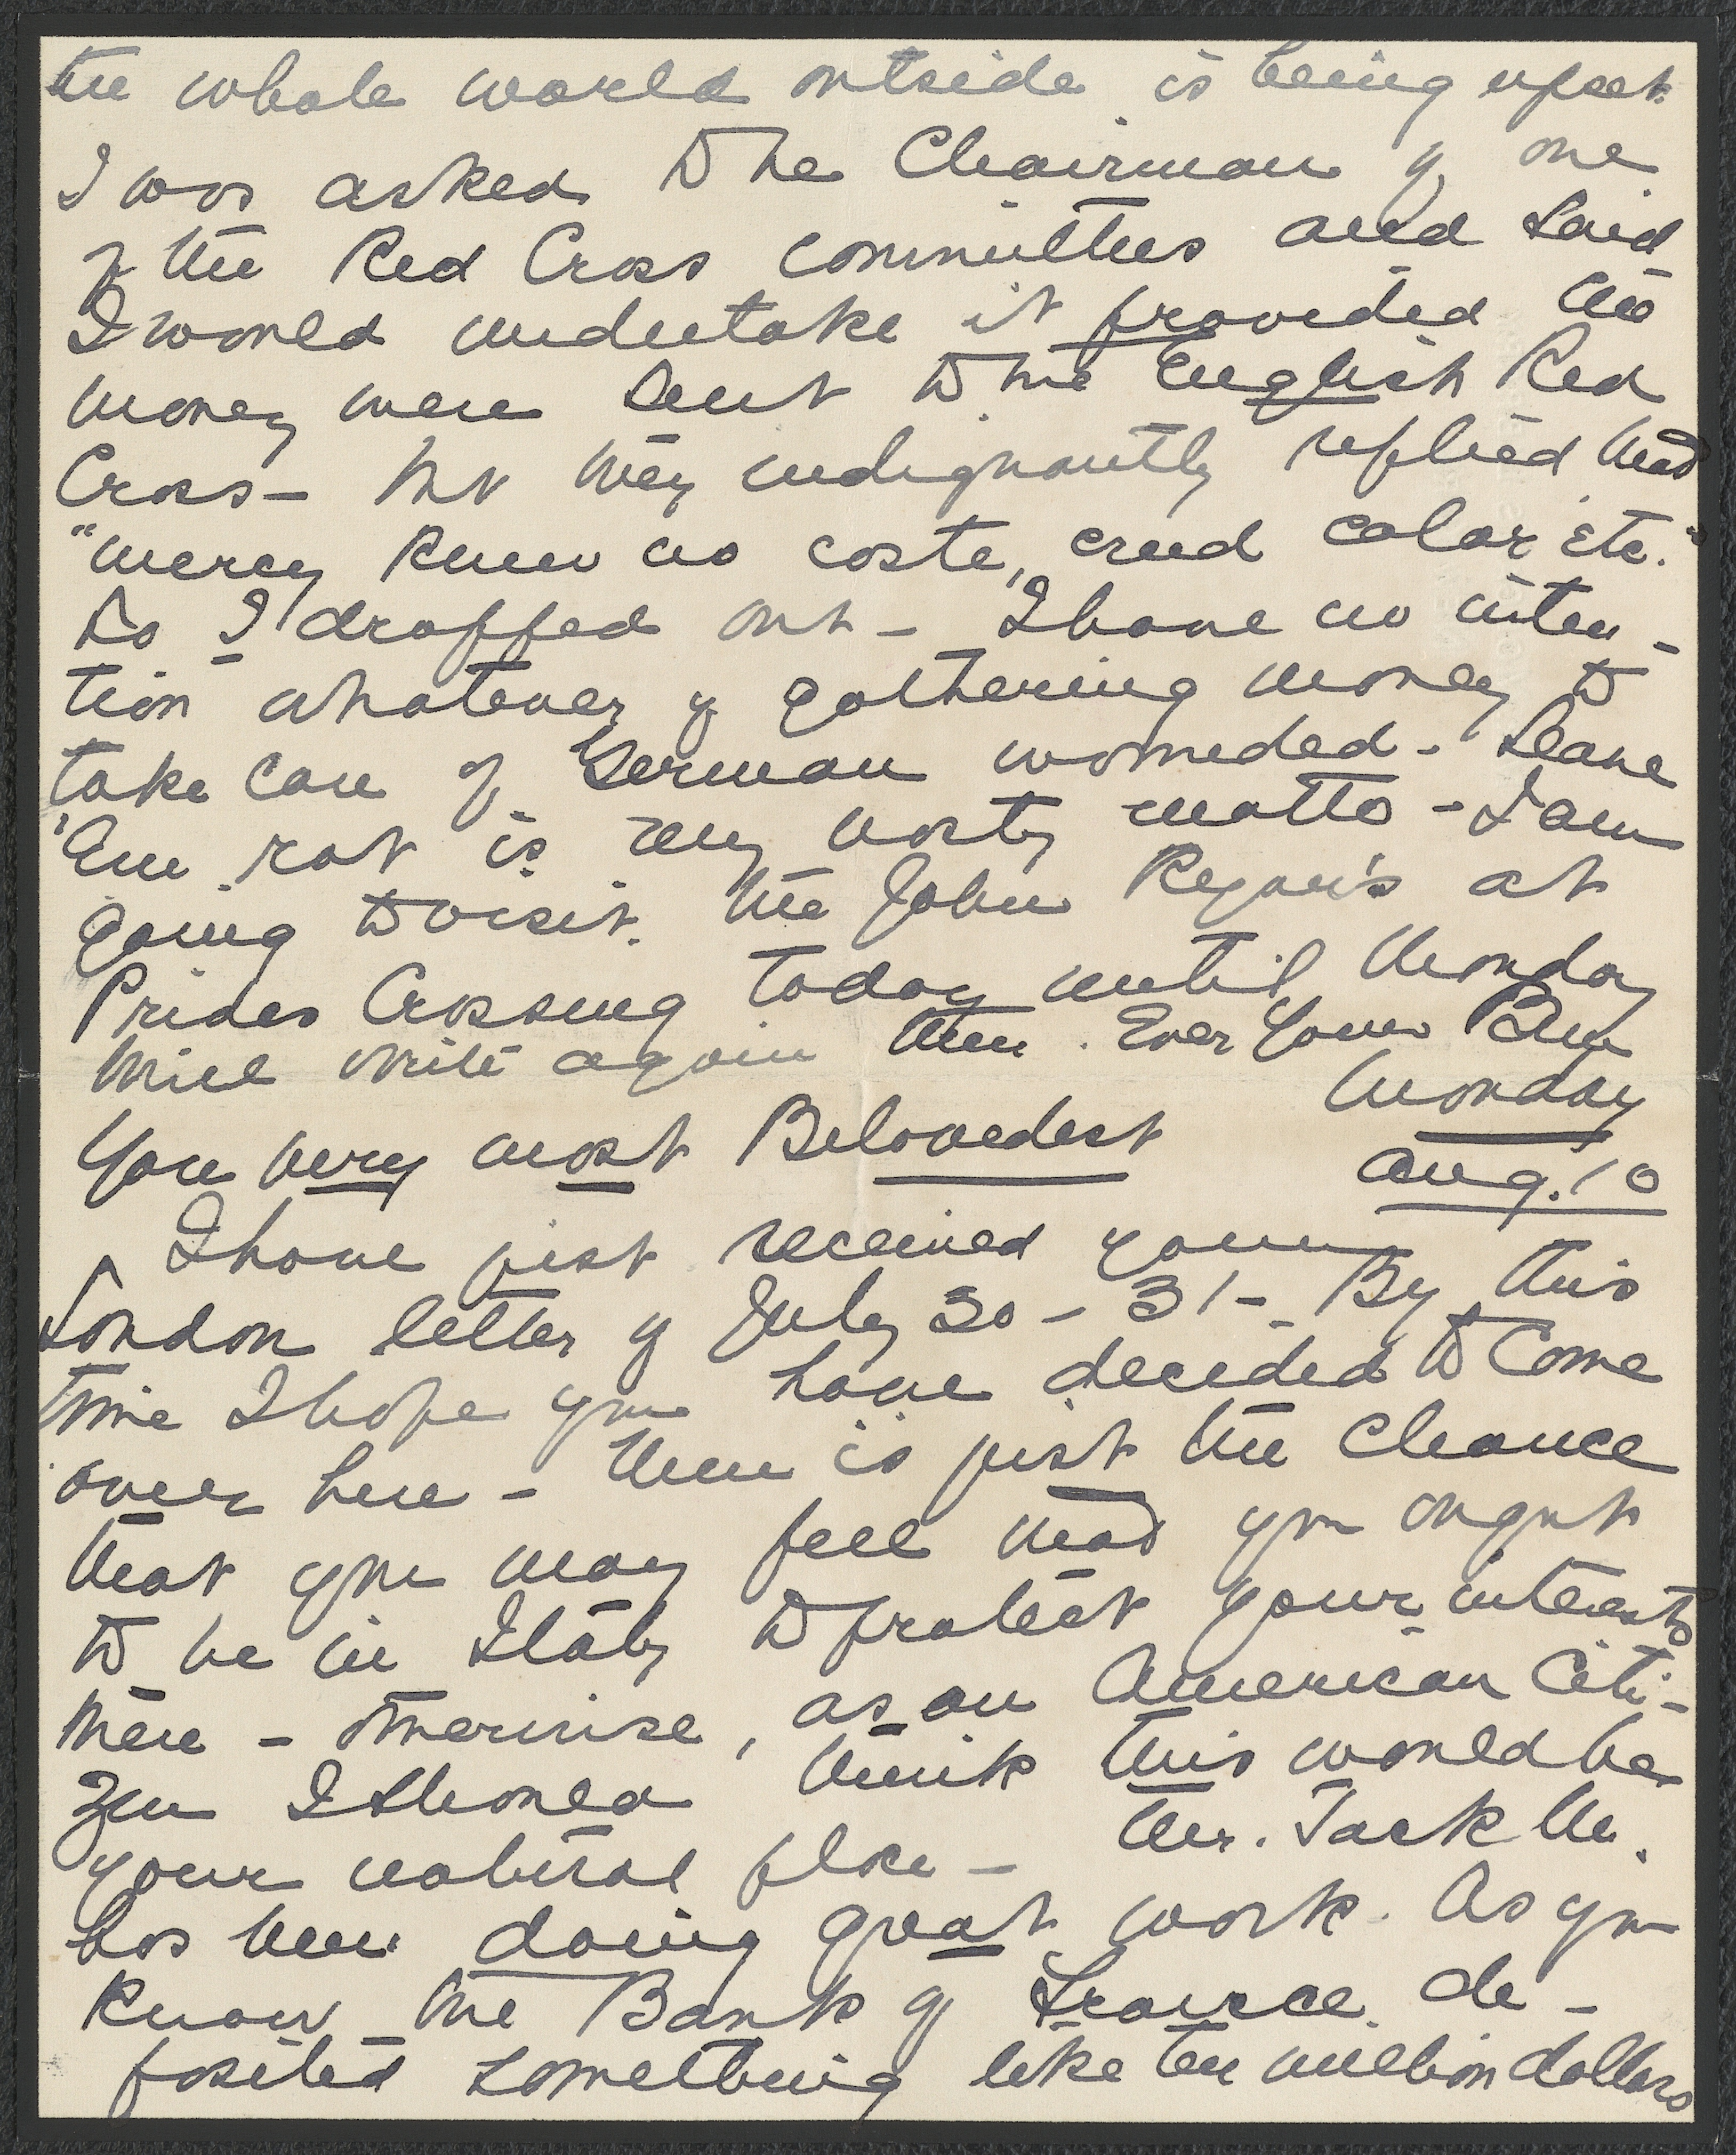the whole world outside is being upset. I was asked to be Chairman of one of the Red Cross committees and said I would undertake it provided the money were sent to the English Red Cross – but they indignantly replied that "mercy knew no coste, [sic] creed color etc” so I dropped out – I have no intention whatever of gathering money to take care of German wounded – Leave 'em rot is my nasty motto – I am going to visit the John Ryan’s at Prides Crossing today until Monday Will write again then. Ever Your Belle
Monday Aug.10
You very most Belovedest
I have just received your London letter of July 30-31 – By this time I hope you have decided to come over here – There is just the chance that you may feel that you ought to be in Italy to protect your interests there – otherwise, as an American citizen I should think this would be your natural place – Mr. Jack M. has been doing great work. As you know the Bank of France deposited something like ten million dollars